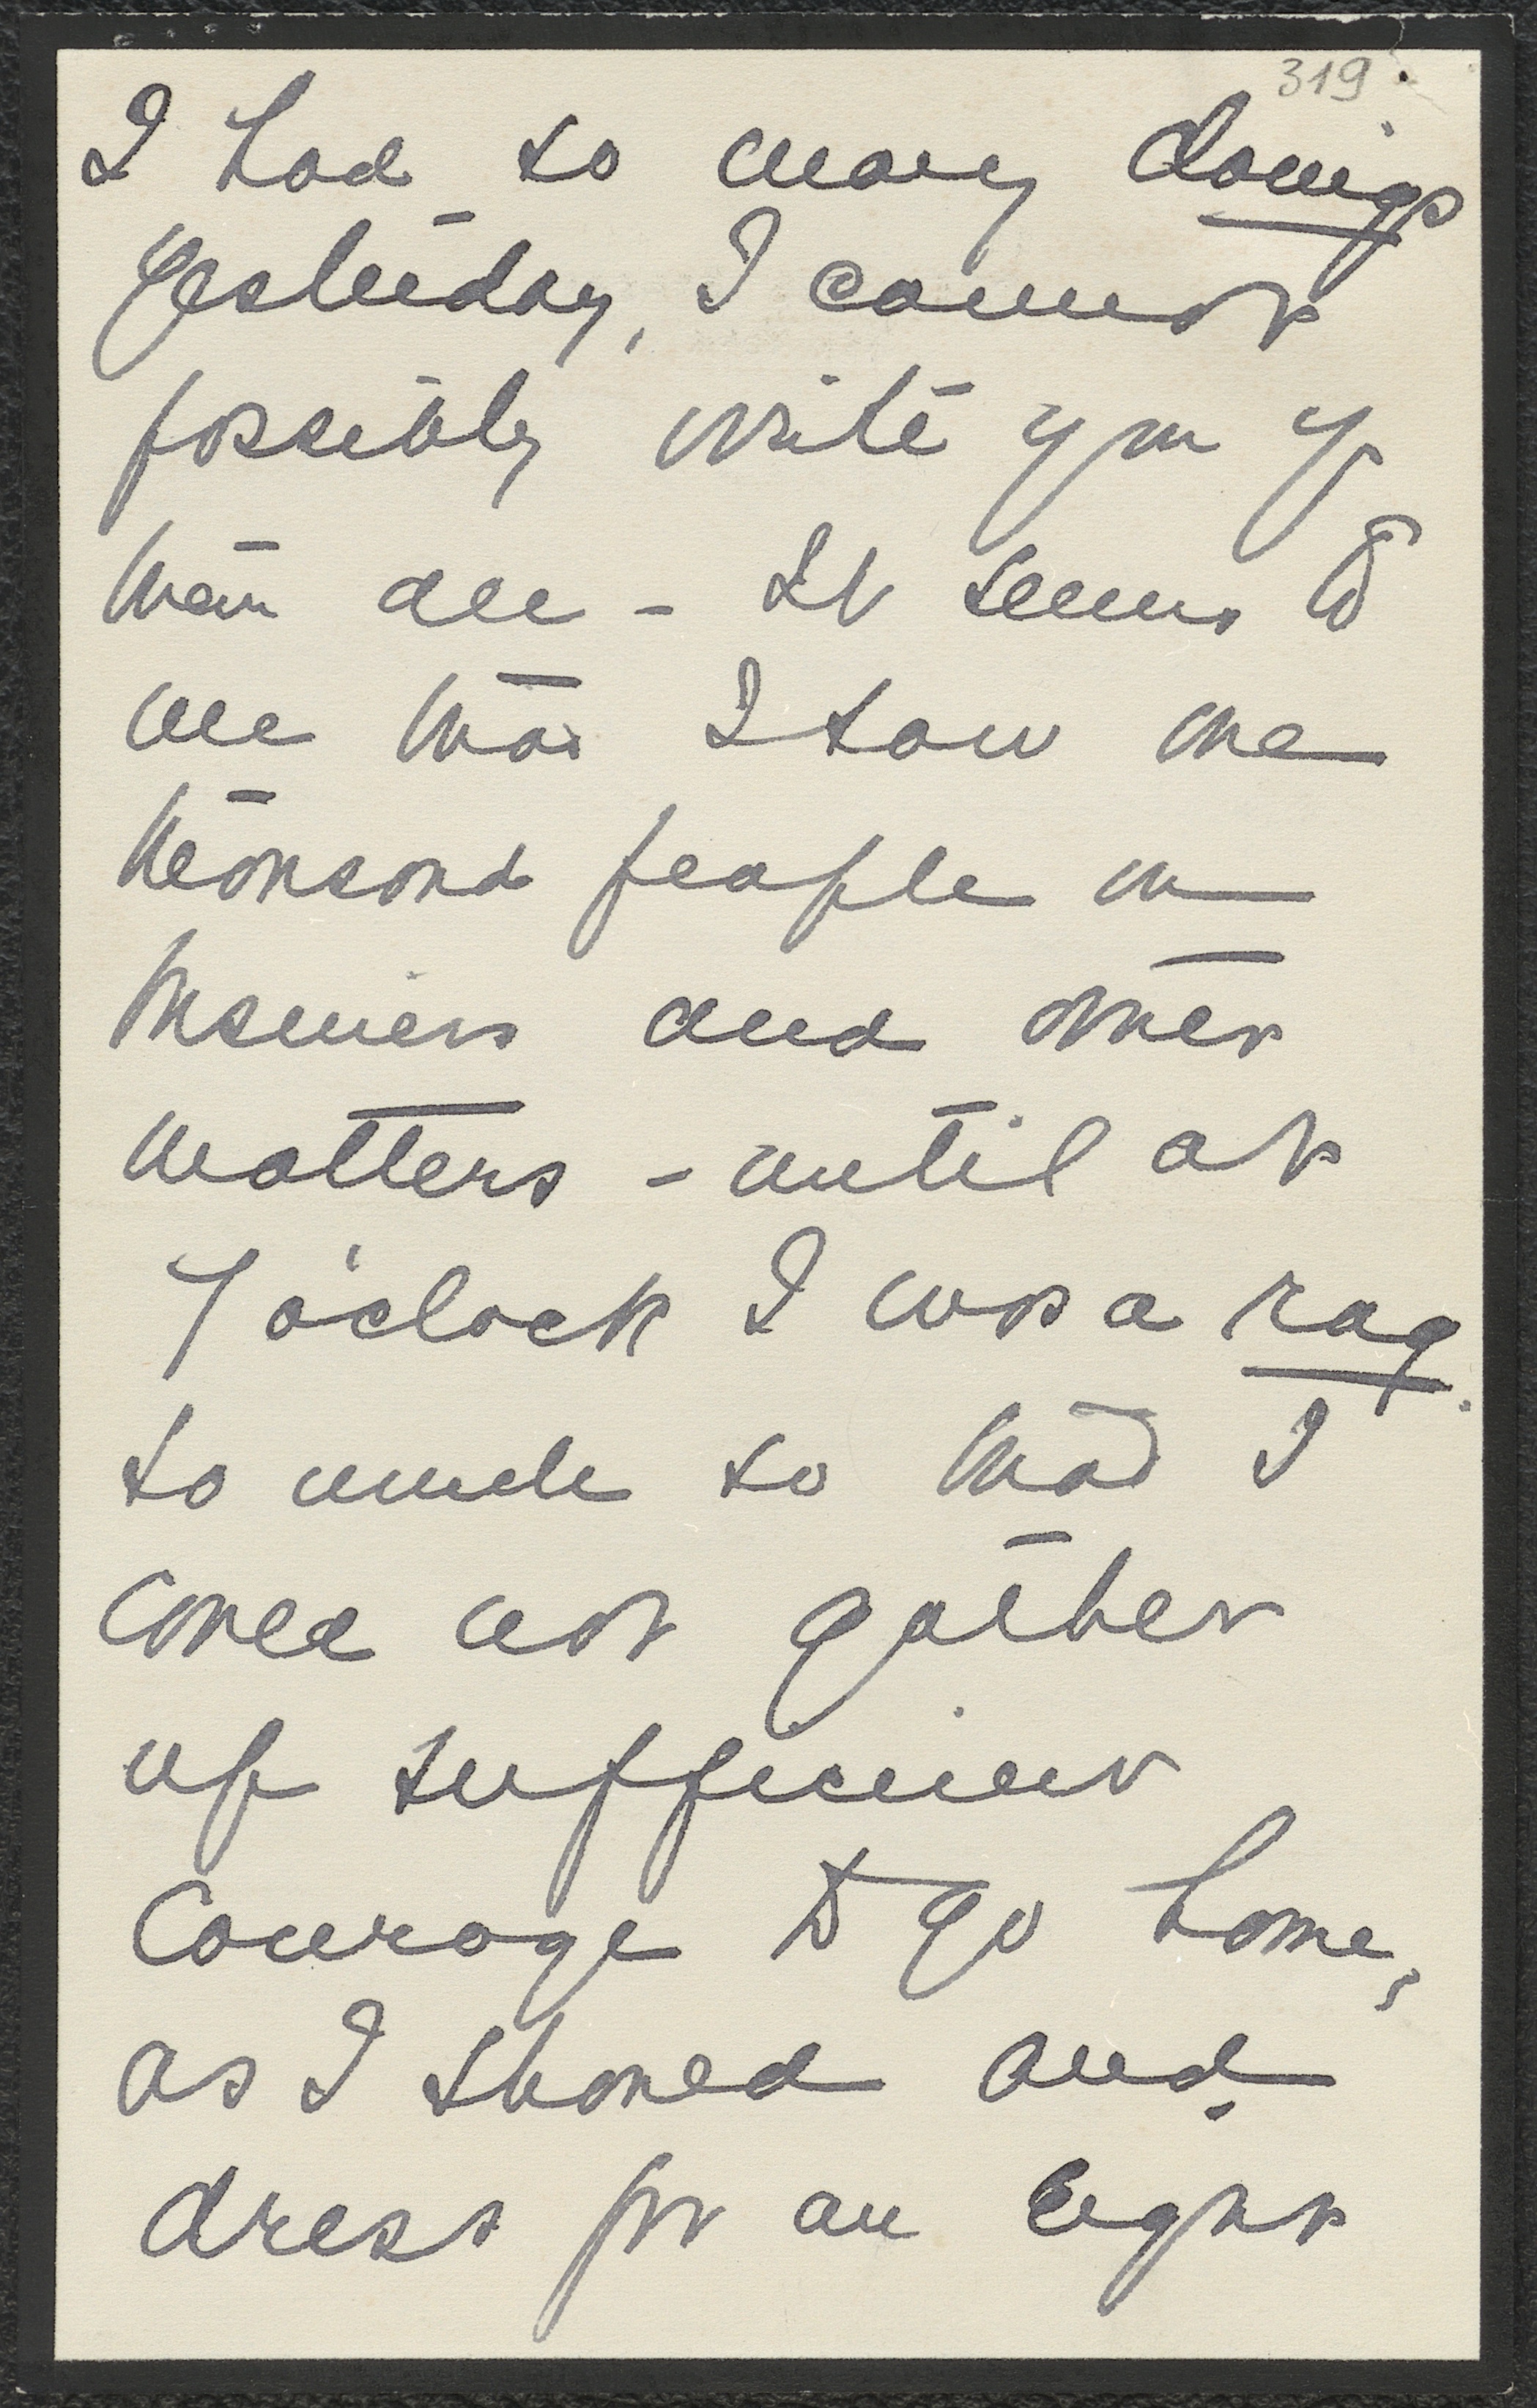I had so many doings yesterday, I cannot possibly write you of them all – It seems to me that I saw one thousand people on business and other matters – until at 7 o’clock I was a rag. So much so that I could not gather up sufficient courage to go home, as I should and dress for an eight